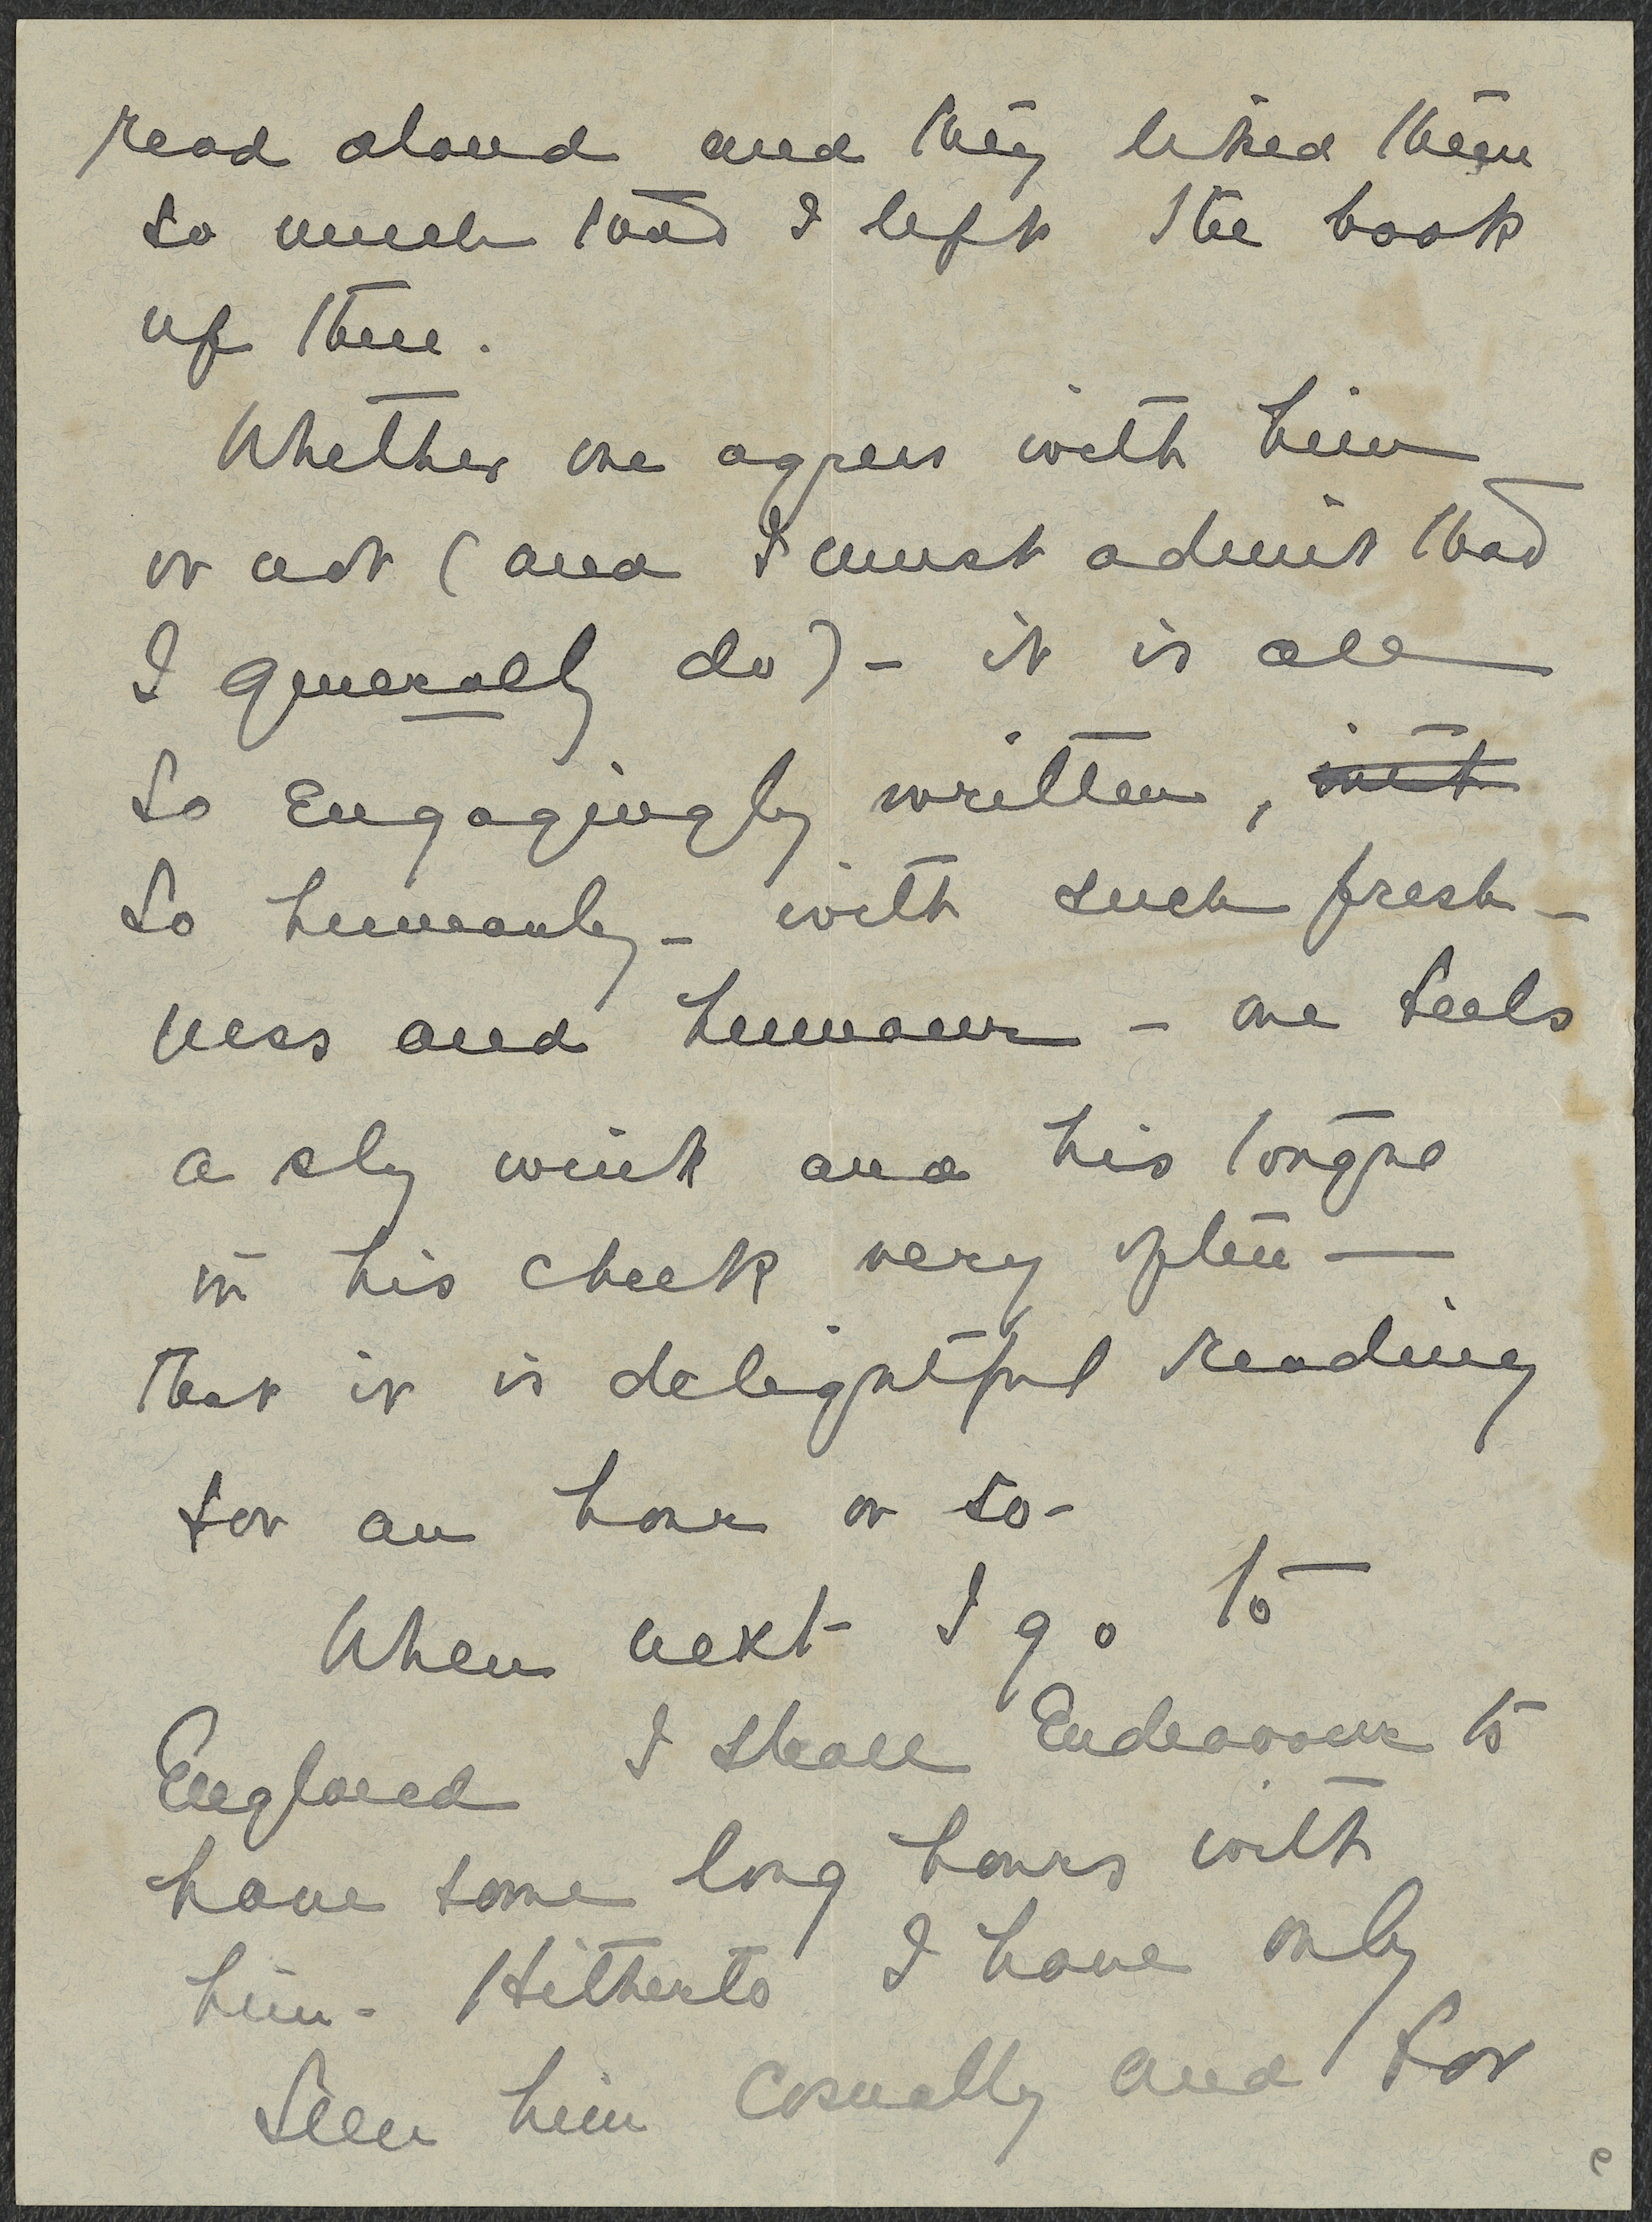read aloud and they liked them so much that I left the book up there.
Whether one agrees with him or not (and I must admit that I generally do) – it is all so engagingly written, with so humanly – with such freshness and humour – one feels a sly wink and his tongue in his cheek very often – That it is delightful reading for an hour or so –
When next I go to England I shall endeavor to have some long hours with him – Hitherto I have only seen him casually and for